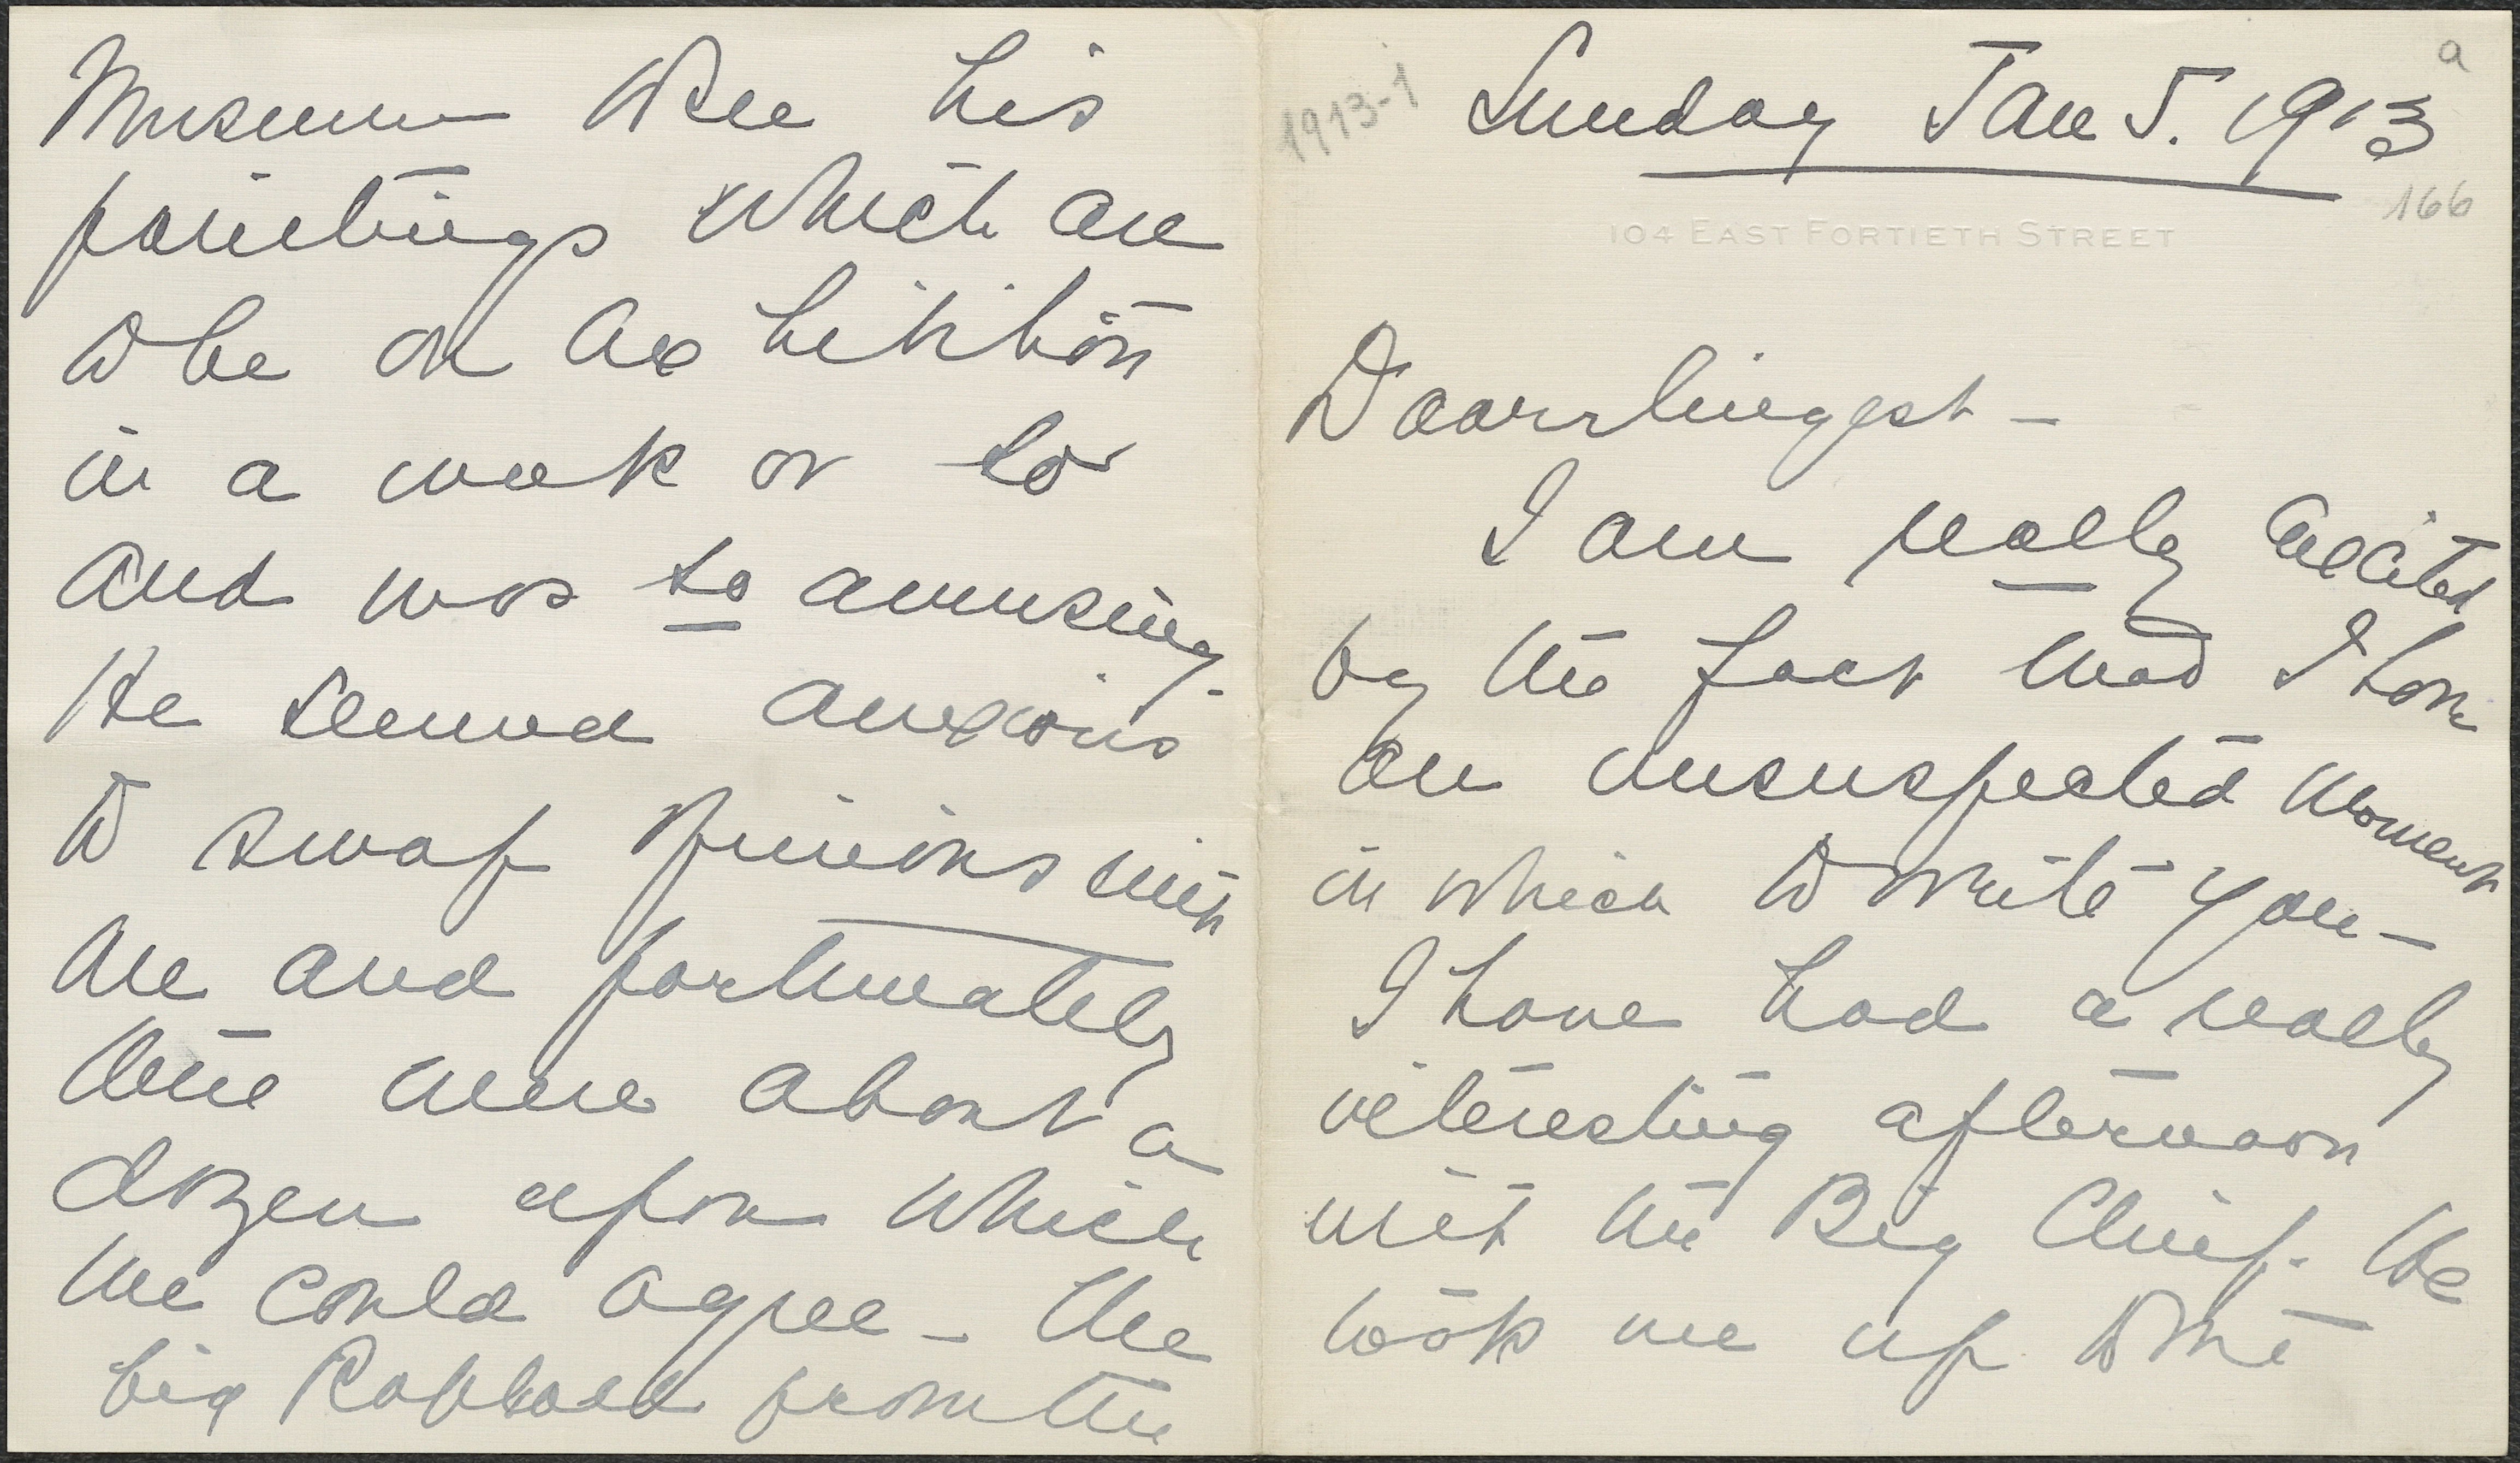Sunday, Jan 5, 1913
Daarrlingest –
I am really excited by the fact that I have an unsuspected moment in which to write you – I have had a really interesting afternoon with the Big Chief. He took me up to the
Museum to see his paintings which are to be on exhibition in a week or so and was so amusing. He seemed anxious to swap opinions with me and fortunately there were about a dozen upon which we could agree – the big Raphael from the